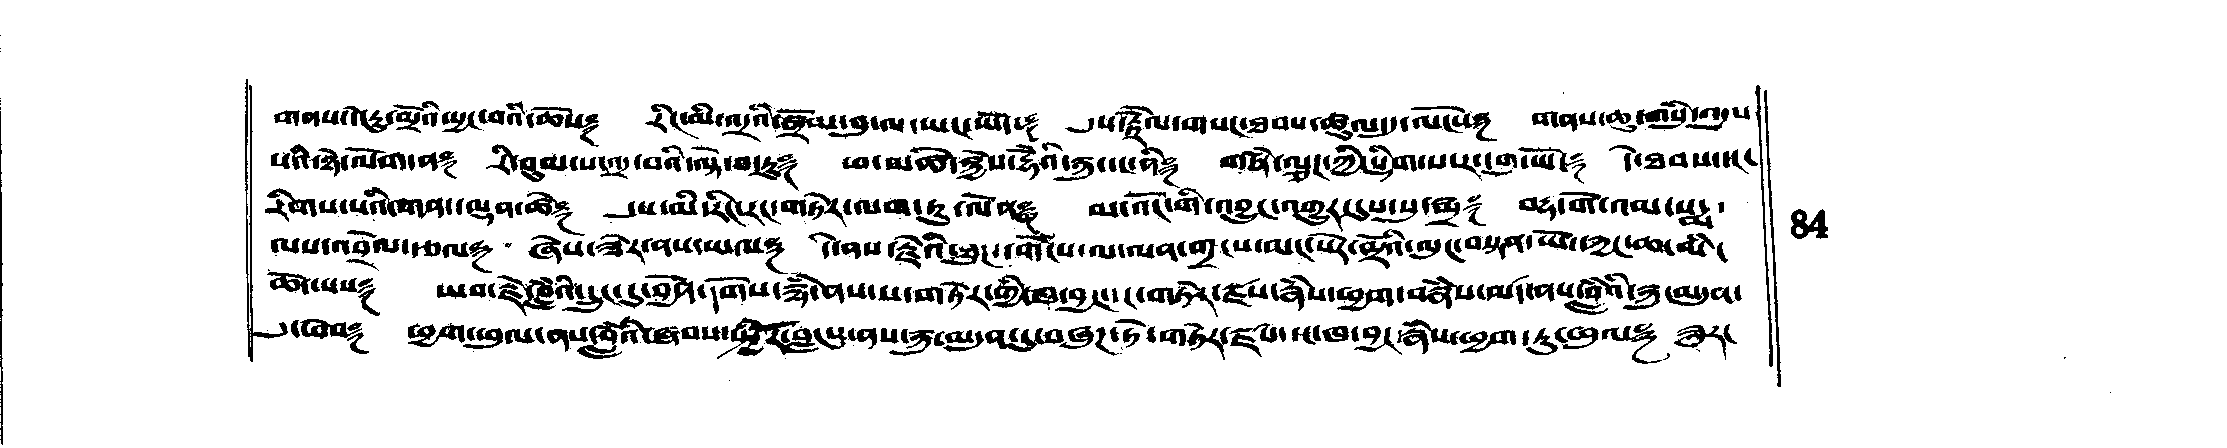།གནས་དེ་རུ་མཁའ་འགྲོའི་གསང་བའི་ཆོས། །རིགས་མི་འདྲའི་སྒྲོམ་བུ་ལ་ཡང་ཡོད། །དུས་རྟེན་འབྲེལ་གསང་ཐབས་ཚུལ་དུ་ལོངས། །གནས་ཆུ་གསུམ་འདུས་
པའི་ཉེ་ལོག་ན། །རི་བུམ་པ་འདྲ་བའི་ལྟོ་བ་རུ། །ཕ་མཚོ་སྐྱེས་རྡོ་རྗེའི་སྐུ་དང་ནི། །གནམ་ལྕགས་ཀྱི་སྡིག་པ་ར་དགུ་ཡོད། །དེ་ཐབས་དང་
རིགས་པའི་གནད་ལྡན་ཚེ། །དུས་མི་རིང་རང་གཏེར་ལག་ཏུ་ལོན། །མ་འོངས་ཀྱི་འབྱུང་འགྱུར་དུས་སུ་སྨྲ། །བརྡ་གོའམ་པདྨ་
ལས་འབྲེལ་རྩལ། །ཞེས་ཟེར་ནས་ཡལ། དེ་ནས་རྗེའི་ཐུགས་དགོངས་ལ་ལན་གྲངས་མང་པོར་མཁའ་འགྲོའི་ལུང་བསྟན་ཡོད་ཀྱང་ཆ་མི་
ཆོད་པས། ཡབ་རྗེ་བླ་མའི་དྲུང་དུ་བྱོན་དགོས་སྙམ་ནས་ས་གཏེར་གྱི་ཁ་བྱང་དང་གཏེར་རྫས་རྣམས་ཕྱག་བསྣམས་མཛད་ནས་བླ་མའི་སྐུ་མདུན་
དུ་ཕེབས། ཕྱག་ཕུལ་ནས་བླ་མའི་ཞབས་སྤྱི་བོར་བླངས་ནས་སྐུ་མདུན་དུ་བཞུགས་ཏེ་གཏེར་རྫས་དང་ཁ་བྱང་རྣམས་ཕྱག་ཏུ་ཕུལ། ཟུར་